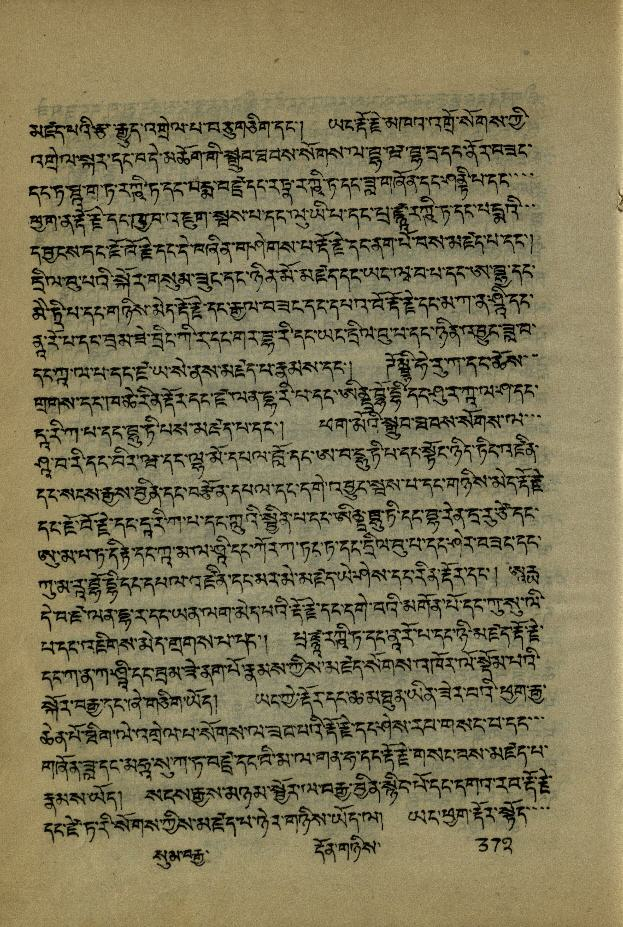མཛད་པའི་རྩ་རྒྱུད་འགྲེལ་པ་བཅུ་གཅིག་དང་། ཡང་རྡོ་རྗེ་མཁའ་འགྲོ་སོགས་ཀྱི་
འགྲེལ་སྐར་དང་བདེ་མཆོག་གི་སྒྲུབ་ཐབས་སོགས་ལ་བྷ་ཝ་བྷ་དྲ་དང་ནོར་བཟང་
དང་ཏ་ཐཱ་ག་ཏ་རཀྵི་ཏ་དང་པདམ་བཛྲ་དང་རཏྣ་རཀྵི་ཏ་དང་ཟླ་གཞོན་དང་ཤནྟི་པ་དང་
ཕྱག་ན་རྡོ་རྗེ་དང་ཁྱབ་འཇུག་སྦས་པ་དང་ལུ་ཡི་པ་དང་པྲ་ཛྙཱ་རཀྵི་ཏ་དང་པདམའི་
དབྱངས་དང་ཇོ་བོ་རྗེ་དང་དེ་བཞིན་གཤེགས་པ་རྡོ་རྗེ་དང་ནག་པོ་བས་མཛད་པ་དང་།
དྲིལ་བུ་བའི་སྐོར་གསུམ་ཟུང་དང་ཉིན་མོ་མཛད་དང་ཡང་ལྭ་བ་པ་དང་ཨ་བྷྱ་དང་
མཻ་ཏྲི་པ་དང་གཉིས་མེད་རྡོ་རྗེ་དང་རྒྱལ་བཟང་དང་དཔའ་བོ་རྡོ་རྗེ་དམ་མ་ག་ན་ཤྲཱི་དང་
ནཱ་རོ་པ་དང་བྲམ་ཟེ་བྲིང་གི་ར་དང་གར་བྷ་རི་དང་ཡང་དྲིལ་བུ་པ་དང་ཉིན་འབྱུང་ཟླ་བ་
དང་ཀཱ་ལ་པ་དང་ཛ་ཡ་སེ་ནས་མཛད་པ་རྣམས་དང་། ཌོ་མྦྷི་ཧེ་རུ་ཀ་དང་ཆོས་
གྲགས་དང་ཁ་ཆེ་རིན་རྡོར་དང་ཛ་ལན་དྷ་རི་པ་དང་ཨིནྡྲ་བྷོ་དྷི་དང་ཤུ་རུ་ཀཱ་ལ་དྷ་དང་
དཱ་རི་ཀ་པ་དང་བྷུ་ཏི་པས་མཛད་པ་དང་། ཕག་མོའི་སྒྲུབ་ཐབས་སོགས་ལ་
ཤཱ་བ་རི་དང་བིར་ཝ་དང་ལྷ་མོ་དཔལ་བློ་དང་ཨ་བ་དྷུ་ཏི་པ་དང་སྟོང་ཉིད་ཏིང་འཛིན་
དང་སངས་རྒྱས་བྱིན་དང་བརྩོན་དཔལ་དང་དགེ་འབྱུང་སྦས་པ་དང་གཉིས་མེད་རྡོ་རྗེ་
དང་ཇོ་བོ་རྗེ་དང་དཱ་རི་ཀ་པ་དང་ཀླུའི་སྦྱིན་པ་དང་ཨིནྡྲ་བྷུ་ཏི་དང་བྷ་རེན་དྲ་རུ་ཚེ་དང་
ཨུ་མ་པ་ཏ་དི་རྟ་དང་ཀཱ་མ་ལ་ཤྲཱི་དང་ཀོར་ཀ་ཏང་ཏ་དང་དྲིལ་བུ་པ་དང་ཤེར་བཟང་དང་
ཀུ་མ་རཱ་བྷོ་དྷི་དང་དཔལ་འཛིན་དང་མར་མེ་མཛད་ཡེ་ཤེས་དང་རིན་རྡོར་དང་། ཨཱ་རྱ་
དེ་བ་ཛ་ལན་དྷ་ར་དང་ཡན་ལག་མེད་པའི་རྡོ་རྗེ་དང་དགེ་པའི་མགོན་པོ་དང་ཀུ་སུ་ལི་
པ་དང་འཇིགས་མེད་གྲགས་པ་དང་། པྲཛྙཱ་རཀྵི་ཏ་དང་ནཱ་རོ་པ་དང་ཉི་མཛད་རྡོ་རྗེ་
དང་ཀ་ན་ཀ་ཤྲཱི་དང་བྲམ་ཟེ་ནག་པོ་རྣམས་ཀྱིས་མཛད་སོགས་འཁོར་ལོ་སྡོམ་པའི་
སྐོར་བརྒྱ་དང་ཞེ་གཅིག་ཡོད། ཡང་ཀྱེ་རྡོར་དང་ཆ་མཐུན་ཡིན་ཟེར་བའི་ཕྱག་རྒྱ་
ཆེན་པོ་ཐིག་ལེ་འགྲེལ་པ་སོགས་ལ་ཟབ་པའི་རྡོ་རྗེ་དང་ཤེས་རབ་གསང་བ་དང་
གཞོན་ཟླ་དང་མ་ཧཱ་སུ་ཀ་ཏ་བཛྲ་དང་བི་མ་ལ་གན་ཧ་དང་རྡོ་རྗེ་གསང་བས་མཛད་པ་
རྣམས་ཡོད། སངས་རྒྱས་མཉམ་སྦྱོར་ལ་བརྒྱ་བྱིན་སྙིང་པོ་དང་དགའ་རབ་རྡོ་རྗེ་
དང་ཛེ་ཏ་རི་སོགས་ཀྱིས་མཛད་པ་ཉེར་གཉིས་ཡོད་ལ། ཡང་ཕྱག་རྡོར་སྟོད་